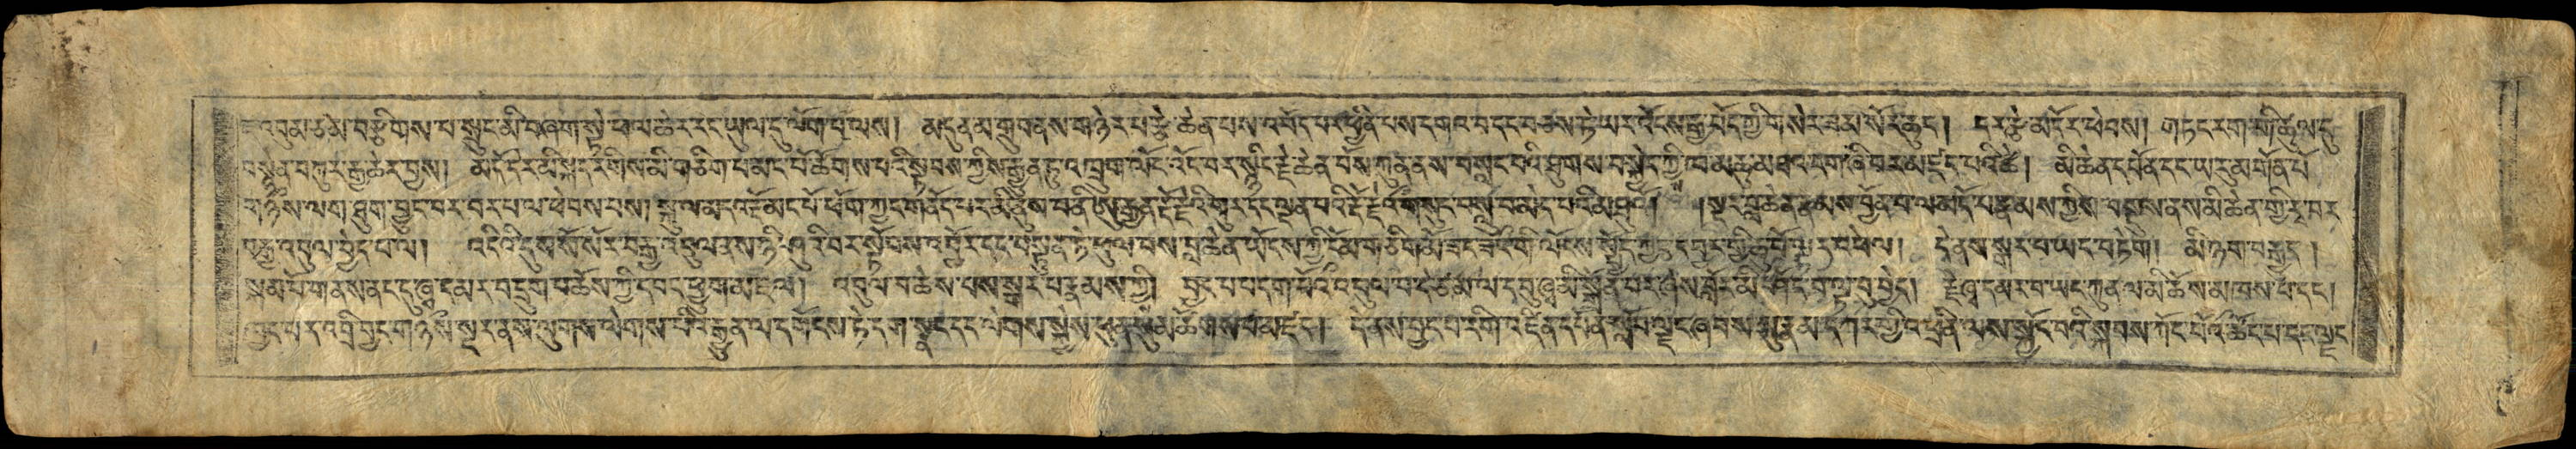ཇ་འབུམ་ཙམ་བརྩིགས་པ་སྲུང་མི་བཞག་སྟེ་ཕལ་ཆེར་རང་ཡུལ་དུ་ལོག་པ་ལས། མདུན་མ་གྲུབ་ནས་གཉེར་པ་རྩེ་ཆེན་པས་འབོད་པར་ཕྱིན་པས་དགའ་བ་དང་བཅས་ཏེ་ཡར་འོངས་རྒྱ་བོད་ཀྱི་གསེར་ཟམ་སོར་ཆུང་། དར་རྩེ་མདོར་ཕེབས། གཏང་རག་གི་ཚུལ་དུ་
བསྙེན་བཀུར་རྒྱ་ཆེར་བྱས། མདོ་དེར་མི་སྐད་རིགས་མི་གཅིག་པ་མང་པོ་ཚོགས་པའི་སྟབས་ཀྱིས་རྒྱུན་དུ་འཁྲུག་ལོང་འོང་བར་སྙིང་རྗེ་ཆེན་པོས་ཀུན་ནས་བསླང་བའི་ཐུགས་བསྐྱེད་ཀྱིས་ཁ་མཆུ་མཐའ་དག་ཞི་བར་མཛད་པའི་ཚེ། མི་ཆེན་དཔོན་དང་ཡ་རུ་མགོན་པོ་
གཉྀས་ལག་ཐུག་བྱུང་བར་བར་པ་ལ་ཕེབས་པས། སྐུ་ལ་མདའ་རྡོ་མང་པོ་ཕོག་ཀྱང་གནོད་པར་མི་ནུས་པ་ནི་ཨུ་རྒྱན་རྡོ་རྗེའི་གུར་དང་ལྡན་པའི་རྡོ་རྗེཨཱྀ་གསུང་བསླུ་བ་མེད་པའི་མཐུའོ། །སྔར་བླ་ཆེན་རྣམས་བྱོན་པ་ལ་མདོ་པ་རྣམས་ཀྱིས་བསྡུས་ནས་མི་ཆེན་གྱི་རྭ་བར་
བརྒྱ་འབུལ་བྱེད་པ་ལ། འདིའི་དུས་སོ་སོར་བརྒྱ་འབུལ་ནས་ཉི་ཤུའི་བར་སྟོབས་འབྱོར་དང་བསྟུན་ཏེ་ཕུལ་བས་བླ་ཆེན་ཡོངས་ཀྱི་དོམ་གཅིག་མོ་ཟང་ཟིང་གི་ལོངས་སྤྱོད་ཀྱང་དབྱར་གྱི་ཆུ་བོ་ལྟར་འཕེལ། དེ་ནས་སྒར་པ་ཡང་བཏེག། མི་ཉག་བརྒྱུད།
སྐམ་པོ་གནས་ནང་དུ་ཞྭ་དམར་བ་དྲུག་པ་ཆོས་ཀྱི་དབང་ཕྱུག་མཇལ། འབུལ་བ་ཆེས་པས་སྒར་པ་རྣམས་ཀྱི། བྱང་པ་བདག་པོཨཱྀ་འབུལ་བ་དེ་ཙམ་ལ་དབུ་ཞྭ་མི་སྒྲོན་པར་ཞེས་བློར་མི་ཤོད་པ་ལྟ་བུ་བྱེད། རྗེ་ཞྭ་དམར་བ་ཡང་ཀུན་ལ་མི་ཆོས་མཁས་པ་དང་།
ཁྱད་པར་འབྲི་བྱང་གཉྀས་སྔར་ནས་ལུགས་ལེགས་པའི་རྒྱུན་ལ་དགོངས་ཏེ་དག་སྣང་དང་ལེགས་སྐྱེས་ཕུན་སུམ་ཚོགས་པ་མཛད། དེ་ནས་བྱང་བ་རིག་འཛིན་དཔོན་སློབ་ལྗང་ཞབས་སུ་རྣམ་དཀར་གྱི་འཕྲིན་ལས་སྐྱོང་བའི་སྐབས་ཀོང་པོཨཱྀ་ཚོང་པ་དང་ལྗང་